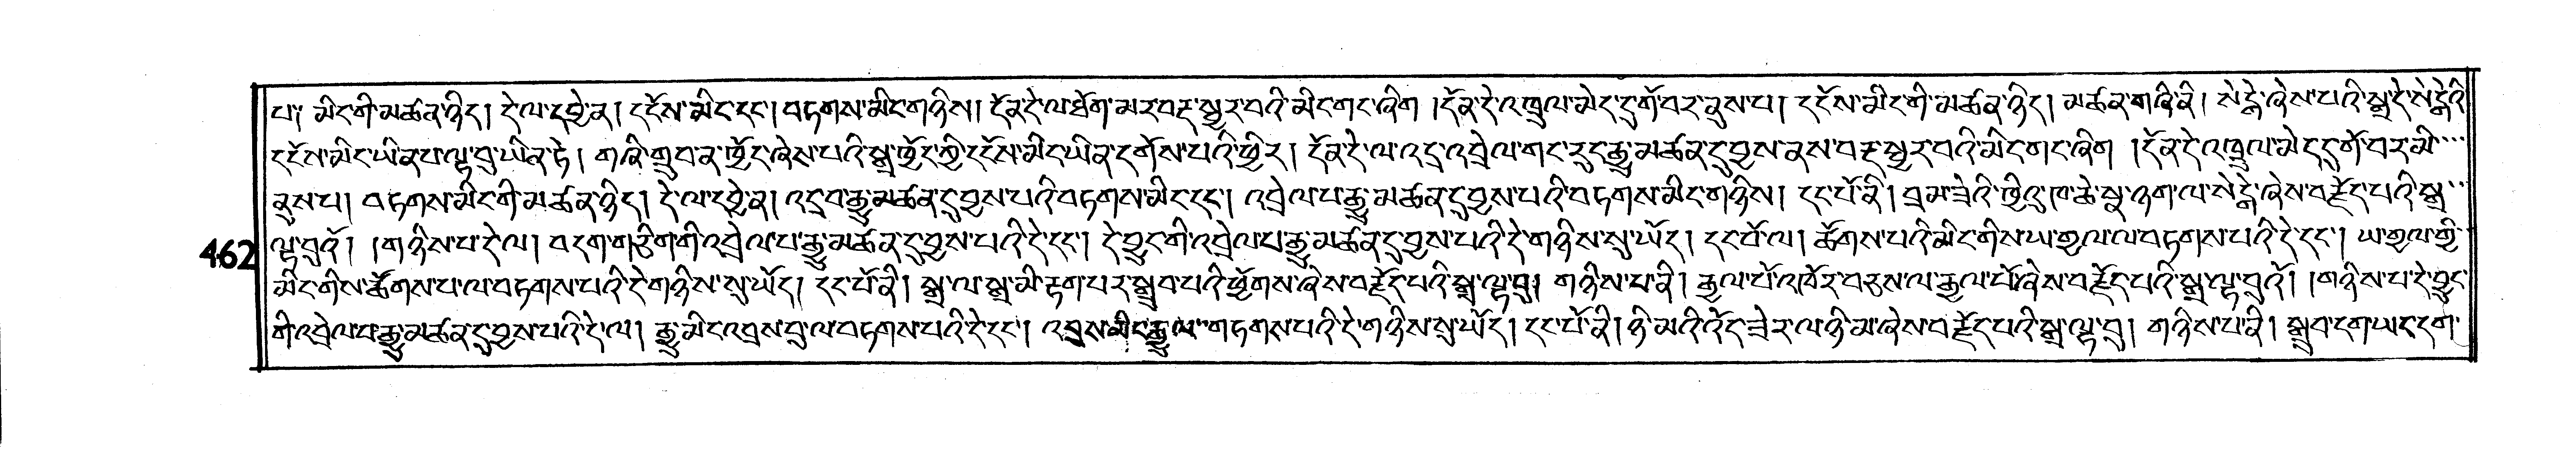པ༑ མིང་གི་མཚན་ཉིད། དེ་ལ་དབྱེ་ན། དངོས་མིང་དང་། བཏགས་མིང་གཉིས། དོན་དེ་ལ་ཐོག་མར་བརྡ་སྦྱར་བའི་མིང་གང་ཞིག །དོན་དེ་འཁྲུལ་མེད་དུ་གོ་བར་ནུས་པ། དངོས་མིང་གི་མཚན་ཉིད། མཚན་གཞི་ནི། སེངྒེ་ཞེས་པའི་སྒྲ་དེ་སེངྒེའི་
དངོས་མིང་ཡིན་པ་ལྟ་བུ་ཡིན་ཏེ། གཞི་གྲུབ་ན་ཁྱོད་ཞེས་པའི་སྒྲྭ་ཁྱོད་ཀྱི་དངོས་མིང་ཡིན་དགོས་པའི་ཕྱིར། དོན་དེ་ལ་འདྲ་འབྲེལ་གང་རུང་རྒྱུ་མཚན་དུ་བྱས་ནས་བརྡ་སྦྱར་བའི་མིང་གང་ཞིག །དོན་དེ་འཁྲུལ་མེད་དུ་གོ་བར་མི་
ནུས་པ། བཏགས་མིང་གི་མཚན་ཉིད། དེ་ལ་དབྱེ་ན། འདྲ་བ་རྒྱུ་མཚན་དུ་བྱས་པའི་བཏགས་མིང་དང་། འབྲེལ་པ་རྒྱུ་མཚན་དུ་བྱས་པའི་བཏགས་མིང་གཉིས། དང་པོ་ནི། བྲམ་ཟེའི་ཁྱིའུ་ཁ་ཆེ་སྣ་ཉག་ལ་སེངྒེ་ཞེས་བརྗོད་པའི་སྒྲ་
ལྟ་བུའོ། །གཉིས་པ་དེ་ལ། བདག་གཅིག་གི་འབྲེལ་པ་རྒྱུ་མཚན་དུ་བྱས་པའི་དེ་དང་། དེ་བྱུང་གི་འབྲེལ་པ་རྒྱུ་མཚན་དུ་བྱས་པའི་དེ་གཉིས་སུ་ཡོད། དང་པོ་ལ། ཚོགས་པའི་མིང་གིས་ཡ་གྱལ་ལ་བཏགས་པའི་དེ་དང་། ཡ་གྱལ་གྱི་
མིང་གིས་ཚོགས་པ་ལ་བཏགས་པའི་དེ་གཉིས་སུ་ཡོད། དང་པོ་ནི། སྒྲ་ལ་སྒྲ་མི་རྟག་པར་སྒྲུབ་པའི་ཕྱོགས་ཞེས་བརྗོད་པའི་སྒྲ་ལྟ་བུ། གཉིས་པ་ནི། རྒྱལ་པོ་འཁོར་བཅས་ལ་རྒྱལ་པོ་ཞེས་བརྗོད་པའི་སྒྲ་ལྟ་བུའོ། །གཉིས་པ་དེ་བྱུང་
གི་འབྲེལ་བ་རྒྱུ་མཚན་དུ་བྱས་པའི་དེ་ལ། རྒྱུ་མིང་འབྲས་བུ་ལ་བཏགས་པའི་དེ་དང་། འབྲས་མིང་རྒྱུ་ལ་གཏགས་པའི་དེ་གཉིས་སུ་ཡོད། དང་པོ་ནི། ཉི་མའི་འོད་ཟེར་ལ་ཉི་མ་ཞེས་བརྗོད་པའི་སྒྲ་ལྟ་བུ། གཉིས་པ་ནི། སྒྲུབ་དག་ཡང་དག་